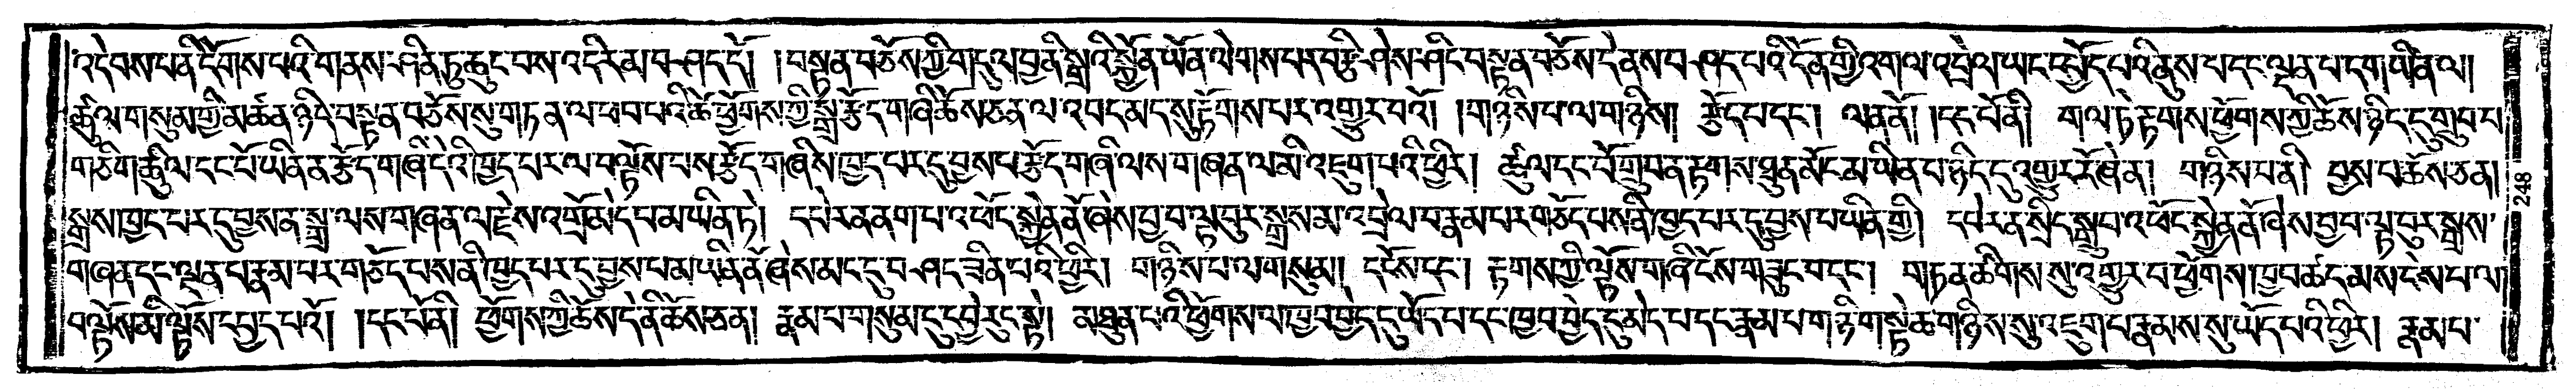འདེབས་པ་ནི་དོགས་པའི་གནས་ཤིན་ཏུ་ཆུང་བས་འདིར་མ་བཤད་དོ། །བསྟན་བཅོས་ཀྱི་གདུལ་བྱ་ནི་སྒྲའི་སྐྱོན་ཡོན་ལེགས་པར་བརྩི་ཤེས་ཤིང་བསྟན་བཅོས་དེ་ནས་བཤད་པའི་དོན་གྱི་འགལ་འབྲེལ་ཡང་དཔྱོད་པའི་ནུས་པ་དང་ལྡན་པ་དག་ཡིན་ལ།
ཚུལ་གསུམ་གྱི་མཚན་ཉིད་བསྟན་བཅོས་སུ་གཏན་ལ་ཕབ་པའི་ཚེ་ཕྱོགས་ཀྱི་སྒྲ་རྩོད་གཞི་ཆོས་ཅན་ལ་འབད་མད་སུ་རྟོགས་པར་འགྱུར་བའོ། །གཉིས་པ་ལ་གཉིས། རྩོད་པ་དང་། ལན་ནོ། །དང་པོ་ནི། གལ་ཏེ་རྟགས་ཕྱོགས་ཀྱི་ཆོས་ཉིད་དུ་གྲུབ་པ་
གཅིག་ཚུལ་དང་པོ་ཡིན་ན་རྩོད་གཞི་དེའི་ཁྱད་པར་ལ་བལྟོས་པས་རྩོད་གཞིས་ཁྱད་པར་དུ་བྱས་པ་རྩོད་གཞི་ལས་གཞན་ལ་མི་འཇུག་པའི་ཕྱིར། ཚུལ་དང་པོ་གྲུབ་ན་རྟགས་ཐུན་མོང་མ་ཡིན་པ་ཉིད་དུ་འགྱུར་རོ་ཞེ་ན། གཉིས་པ་ནི། བྱས་པ་ཆོས་ཅན།
སྒྲས་ཁྱད་པར་དུ་བྱས་ན་སྒྲ་ལས་གཞན་ལ་རྗེས་འགྲོ་མེད་པ་མ་ཡིན་ཏེ། དཔེར་ན་ནག་པ་འཕོད་སྐྱེན་ནོ་ཞེས་བྱ་བ་ལྟ་བུར་སྒྲས་མ་འབྲེལ་བ་རྣམ་པར་གཅོད་པས་ནི་ཁྱད་པར་དུ་བྱས་པ་ཡིན་གྱི། དཔེར་ན་སྲིད་སྒྲུབ་འཕོང་སྐྱེན་ནོ་ཞེས་བྱ་བ་ལྟ་བུར་སྒྲས་
གཞན་དང་ལྡན་པ་རྣམ་པར་གཅོད་པས་ནི་ཁྱད་པར་དུ་བྱས་པ་མ་ཡིན་ནོ་ཞེས་མང་དུ་བཤད་ཟིན་པའི་ཕྱིར། གཉིས་པ་ལ་གསུམ། དངོས་དང་། རྟགས་ཀྱི་ལྟོས་གཞི་ངོས་གཟུང་བ་དང་། གཏན་ཚིགས་སུ་འགྱུར་བ་ཕྱོགས་ཁྱབ་ཚད་མས་ངེས་པ་ལ་
བལྟོས་མི་ལྟོས་དཔྱད་པའོ། །དང་པོ་ནི། ཕྱོགས་ཀྱི་ཆོས་དེ་ནི་ཆོས་ཅན། རྣམ་པ་གསུམ་དུ་དབྱེ་རུང་སྟེ། མཐུན་པའི་ཕྱོགས་ལ་ཁྱབ་བྱེད་དུ་ཡོད་པ་དང་ཁྱབ་བྱེད་དུ་མེད་པ་དང་རྣམ་པ་གཉི་ག་སྟེ་ཆ་གཉིས་སུ་འཇུག་པ་རྣམས་སུ་ཡོད་པའི་ཕྱིར། རྣམ་པ་